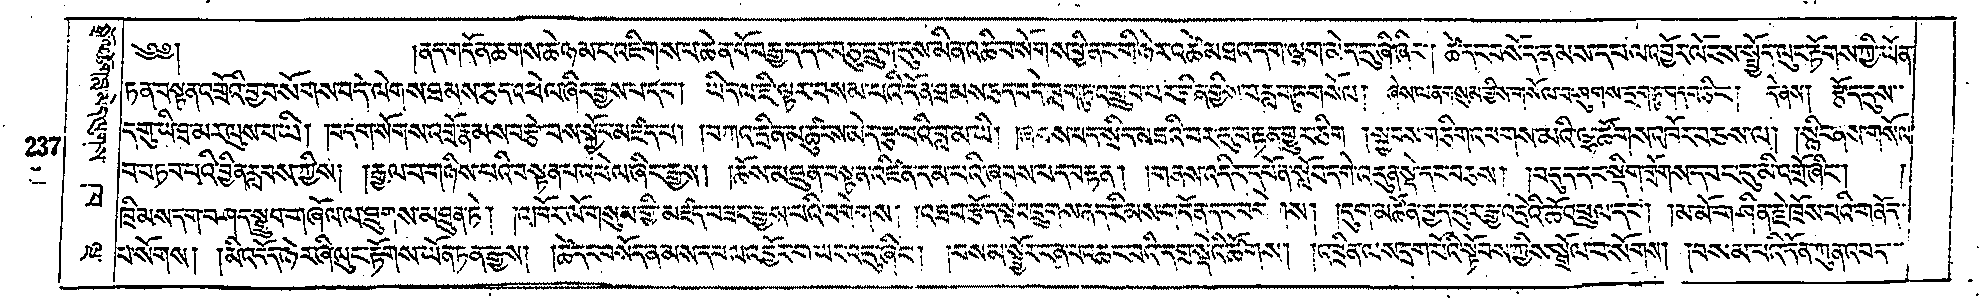༄༅། །ནད་གདོན་ཆགས་ཆེ་ཉམ་ང་འཇིགས་པ་ཆེན་པོ་བརྒྱད་པ་དང་བཅུ་དྲུག་དུས་མིན་འཆི་བ་སོགས་ཕྱི་ནང་གི་ཉེར་འཚེ་མཐའ་དག་ལྷག་མེད་དུ་ཞི་ཞིང་། ཚེ་དང་བསོད་ནམས་དཔལ་འབྱོར་ལོངས་སྤྱོད་ལུང་རྟོགས་ཀྱི་ཡོན་
ཏན་བསྟན་འགྲོའི་བྱ་བ་སོགས་བདེ་ལེགས་ཐམས་ཅད་འཕེལ་ཞིང་རྒྱས་པ་དང་། ཡིད་ལ་ཇི་ལྟར་བསམ་པའི་དོན་ཐམས་ཅད་བདེ་བླག་ཏུ་འགྲུབ་པར་བྱིན་གྱིས་བརླབ་ཏུ་གསོལ། ཞེས་ལན་གསུམ་གྱིས་གསོལ་བ་ཤུགས་དྲག་ཏུ་གདབ་ཅིང་། དེ་ནས།  རྩོད་དུས་་་
དགུ་ཡི་ཐ་མར་ལུས་པ་ཡི། །བདག་སོགས་འགྲོ་རྣམས་བརྩེ་བས་སྐྱོང་མཛད་པ། །བཀའ་དྲིན་མཚུངས་མེད་རྩ་བའི་བླ་མ་ཡི། །ཞབས་པད་སྲིད་མཐའི་བར་དུ་བརྟན་གྱུར་ཅིག །སྐྱབས་གཅིག་འཕགས་མའི་ལྷ་ཚོགས་འཁོར་བཅས་ལ། །སྙིང་ནས་གསོལ་
བ་བཏབ་པའི་བྱིན་རླབས་ཀྱིས། །རྒྱལ་བ་གཉིས་པའི་བསྟན་པ་འཕེལ་ཞིང་རྒྱས། །ཆོས་མཐུན་བསྟན་འཛིན་དམ་པའི་ཞབས་པད་བརྟན། །གནས་འདིར་དཔོན་སློབ་དགེ་འདུན་སྡེ་དང་བཅས། །བདུད་དང་སྡིག་གྲོགས་དབང་དུ་མི་འགྲོ་ཞིང་། །
ཁྲིམས་དག་བཤད་སྒྲུབ་གཞོལ་ལ་ཐུགས་མཐུན་ཏེ། །འཁོར་ལོ་གསུམ་གྱི་མཛད་བཟང་རྒྱས་པའི་བགེགས། །འཐབ་རྩོད་སྡེ་འཁྲུགས་ནད་རིམས་གདོན་དང་བགེགས། །དུག་མཚོན་བྱད་ཕུར་རྒྱ་འདྲེའི་ཆོ་འཕྲུལ་དང་། །མ་མོ་གཤིན་རྗེ་ཁྲོས་པའི་གནོད་་་
པ་སོགས། །མི་འདོད་ཉེར་ཞི་ལུང་རྟོགས་ཡོན་ཏན་རྒྱས། །ཚེ་དང་བསོད་ནམས་དཔལ་འབྱོར་གཡང་འདུ་ཞིང་། །བསམ་སྦྱོར་ངན་པ་འཆང་བའི་དགྲ་སྡེའི་ཚོགས། །འཕྲིན་ལས་དྲག་པོའི་སྟོབས་ཀྱིས་སྒྲོལ་བ་སོགས། །བསམ་པའི་དོན་ཀུན་འབད་་་